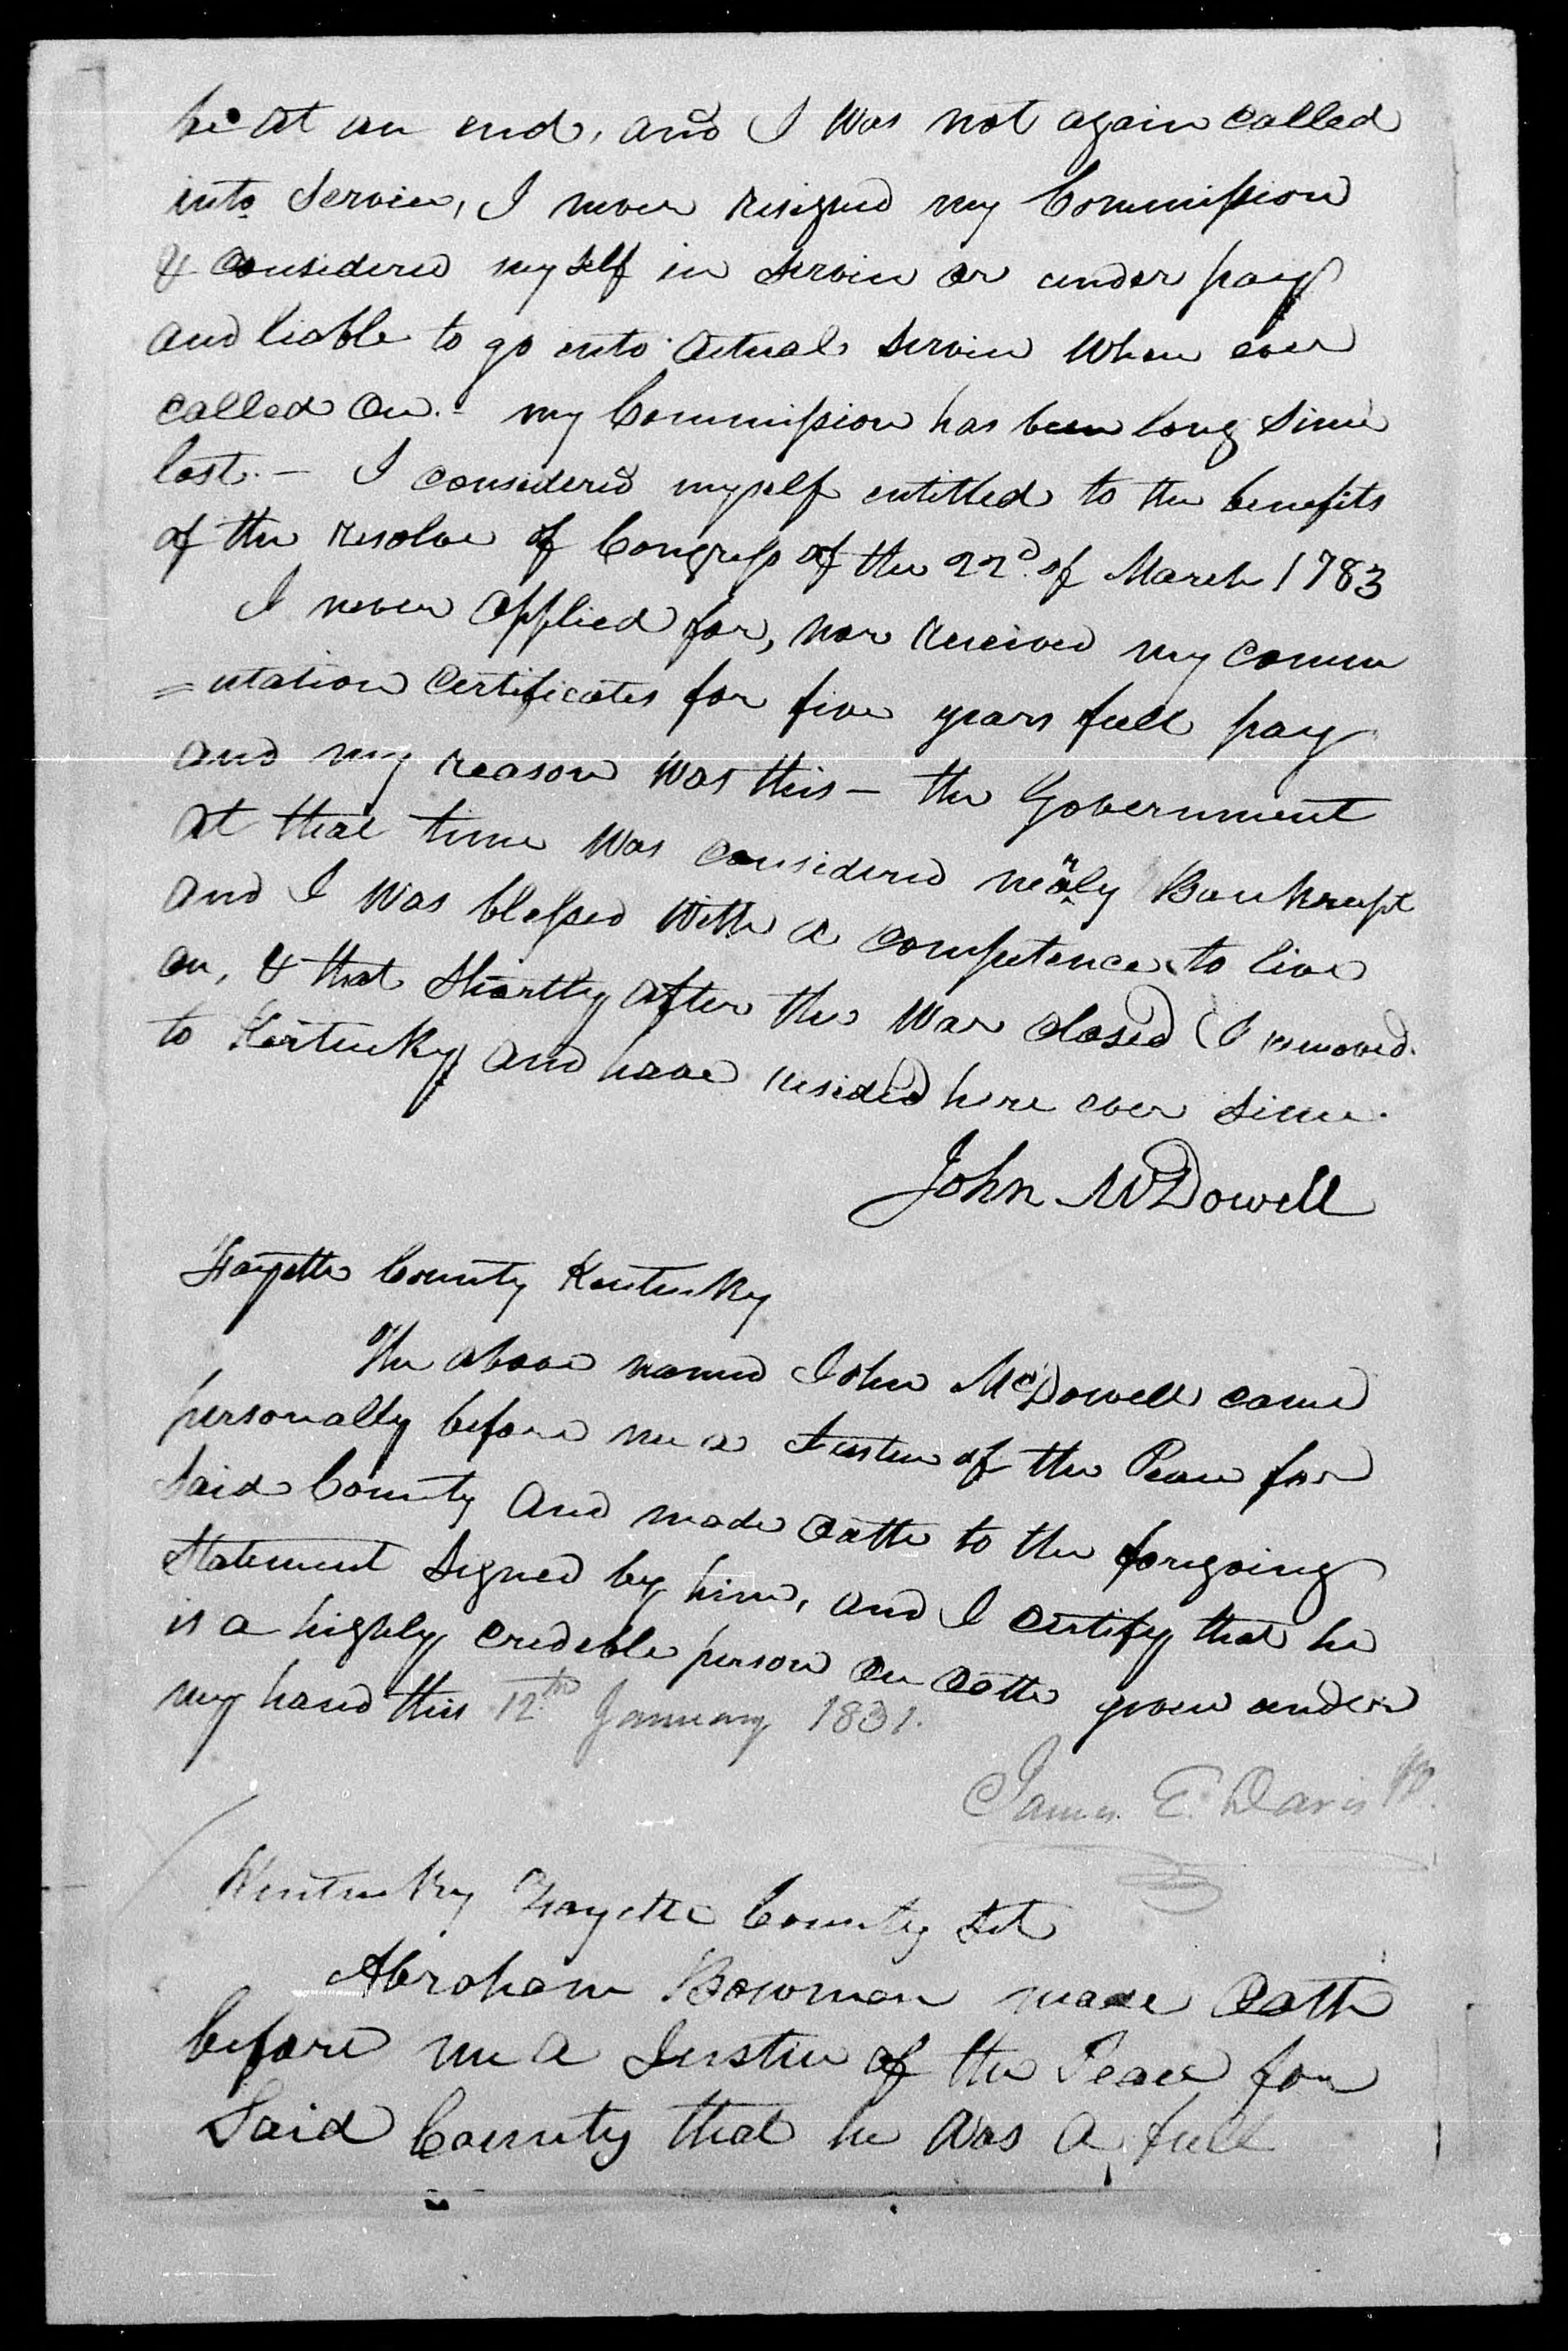be at an end, and I was not again called
into service, I never resigned my commission
or considered myself in service or under pay
and liable to go into actual service. When [illegible]
called [illegible] my commission has been long since
lost,- I considered myself entitled to the benefits
of the [illegible] of Congress of the 22nd of March 1783.
I never applied for, nor review my commutation
certificates for five years full pay
and my reason was this-- the government
at that time was considered nearly bankrupt
and I was blessed with a competance to live
on, & that shortly after the war closed I removed
to Kentucky and have resided here ever since.
(signature of John McDowell)

Fayette County Kentucky
The above named John McDowell came
personally before me as Justice of the Peace from
said county and made oath to this foregoing
statement signed by him, and I certify that he
is a highly credible person on oath [illegible] under
my hand this 12th January 1831.
(signature of James E Da{illegible])

Kentucky Fayette County
Abraham Bowmen [illegible] both
before me a Justice of the Peace for
said county that he was a full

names: James E Davis; John Mc Dowell; Abraham Bowman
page: 8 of 47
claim: survivor's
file: S. 30578, for John Mc Dowell, Virginia